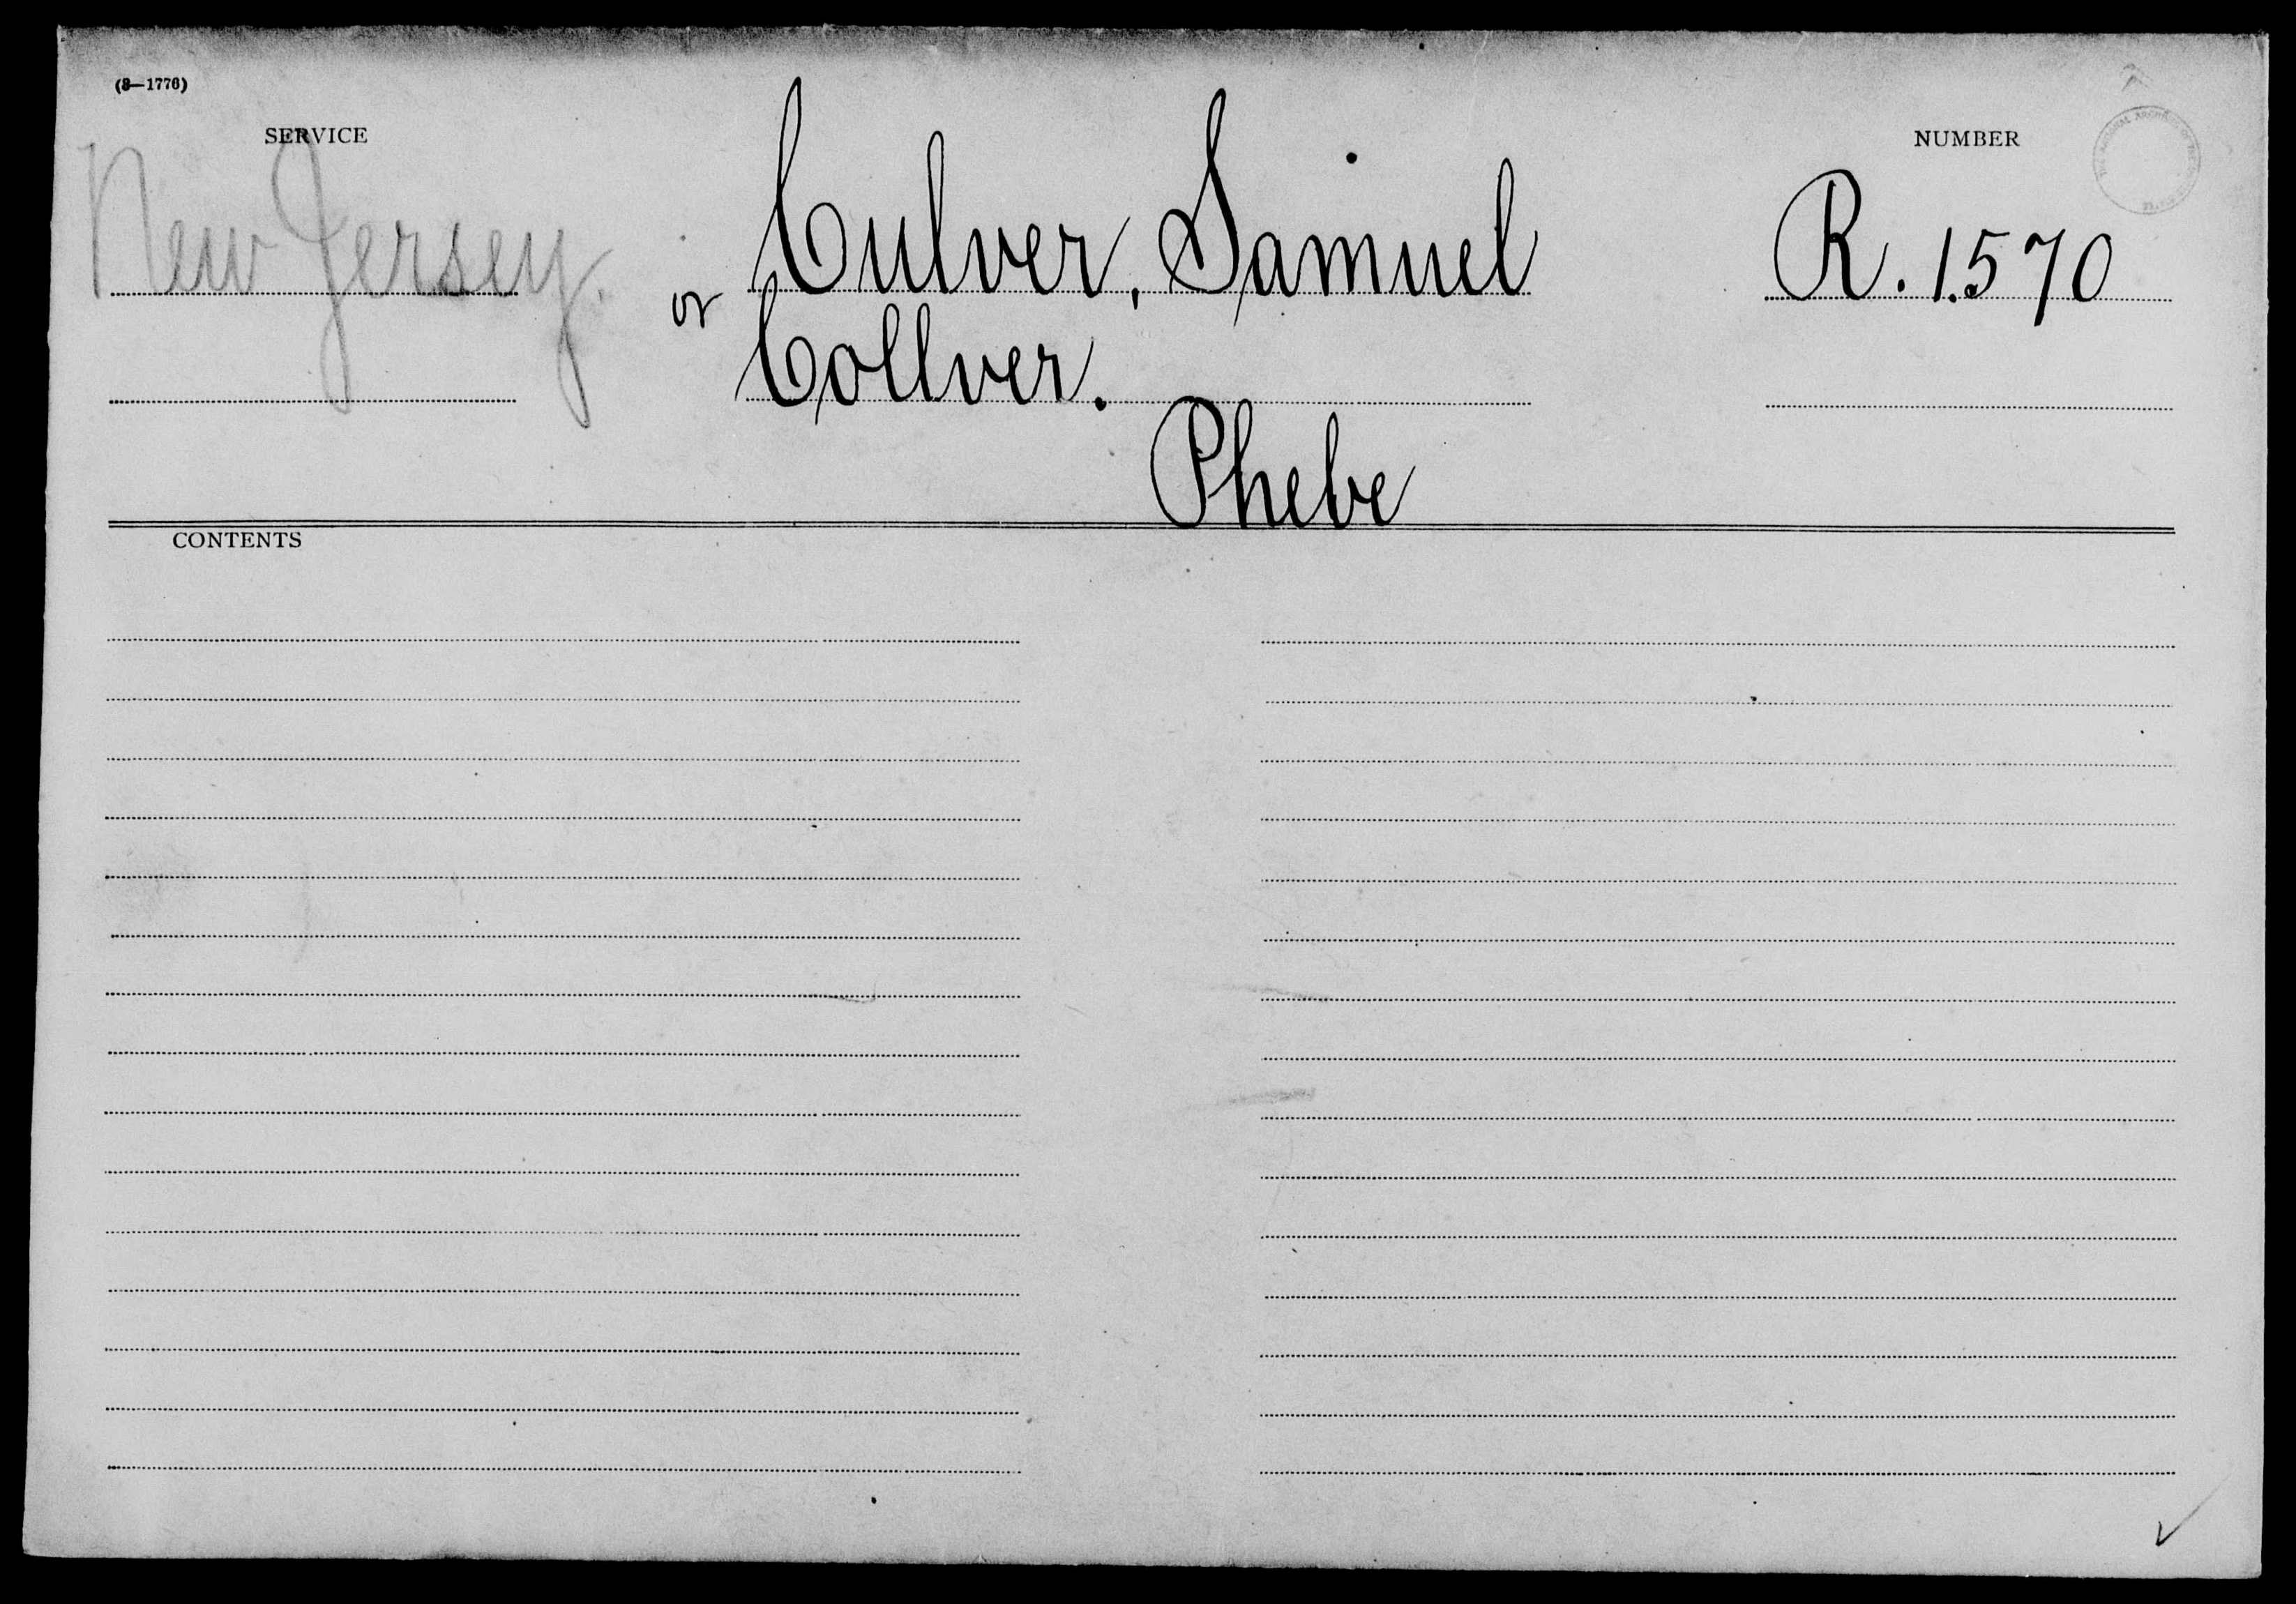(8-1776)

Service 
New Jersey

Culver, Samuel
or Collver.

Phebe

Number
R. 1570

The National Archives of the United States [seal]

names: Samuel Collver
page: 1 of 40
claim: rejected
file: R. 1,570, Samuel Culver, New Jersey